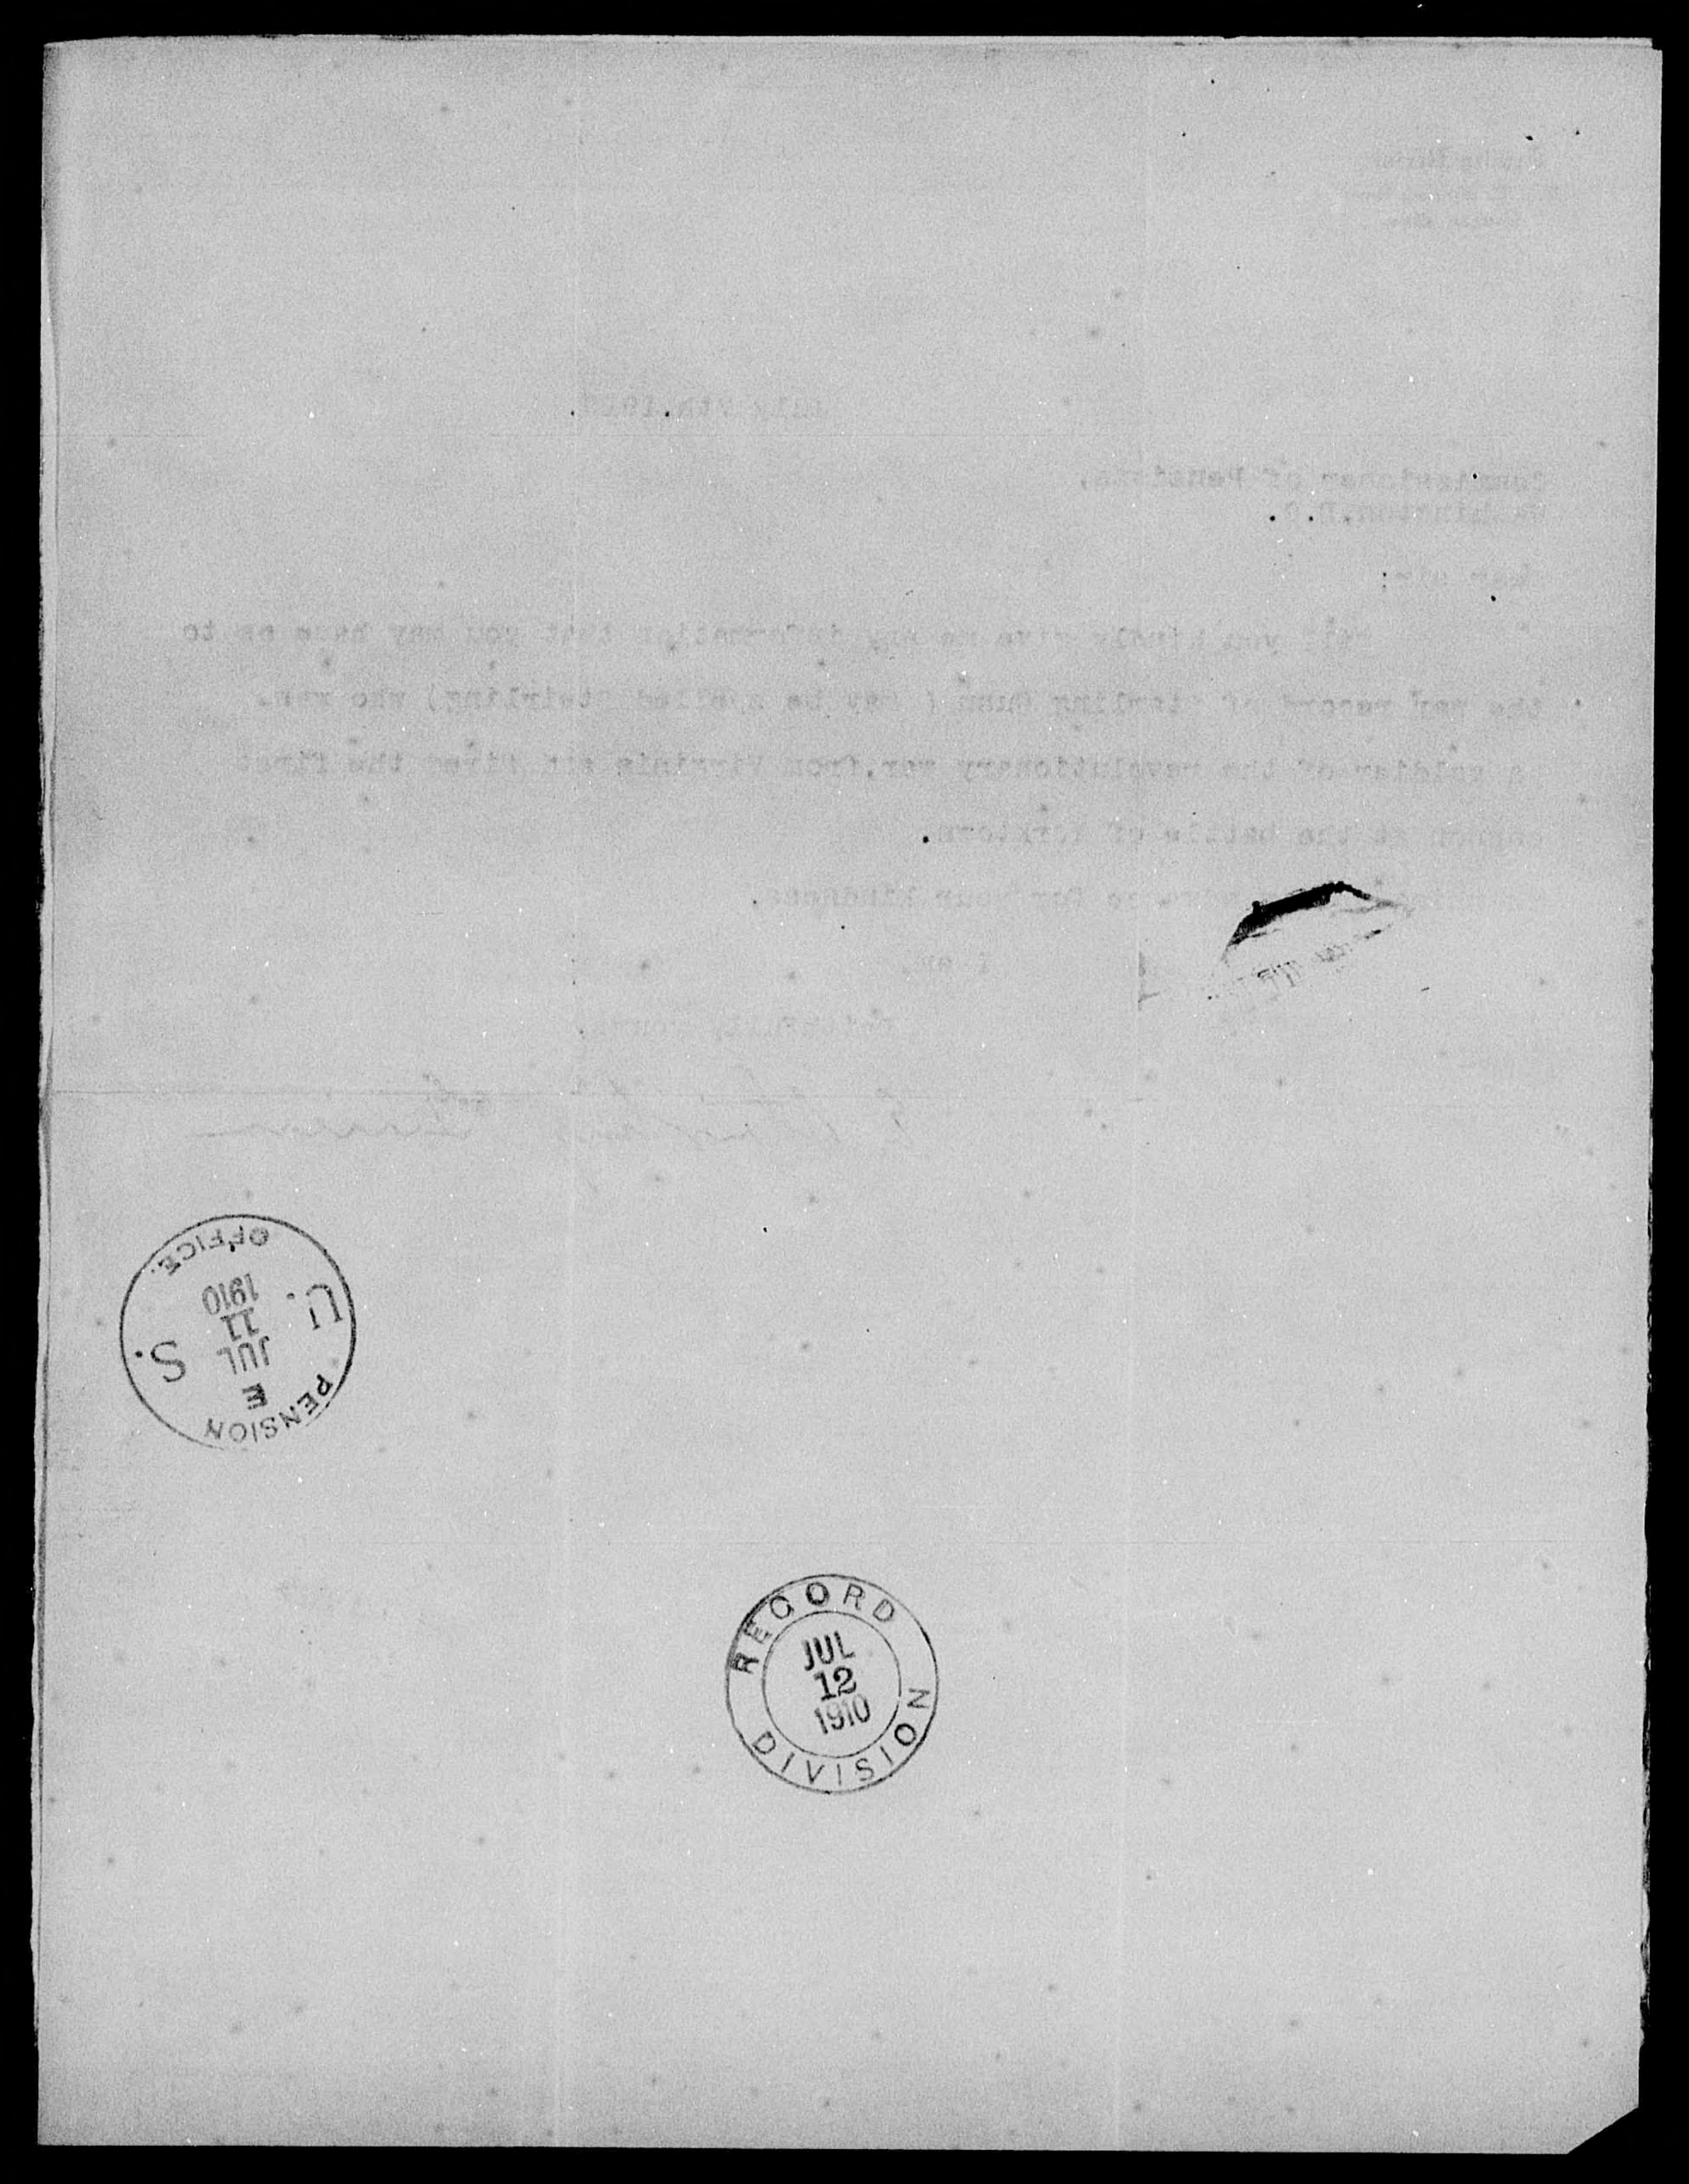[Stamp:]
U.S. PENSION OFFICE
E  JUL 11  1910


[Stamp:]
RECORD DIVISION
JUL 12  1910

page: 51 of 58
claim: survivor's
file: S. 6,941, Starling Gunn, Continental Va.